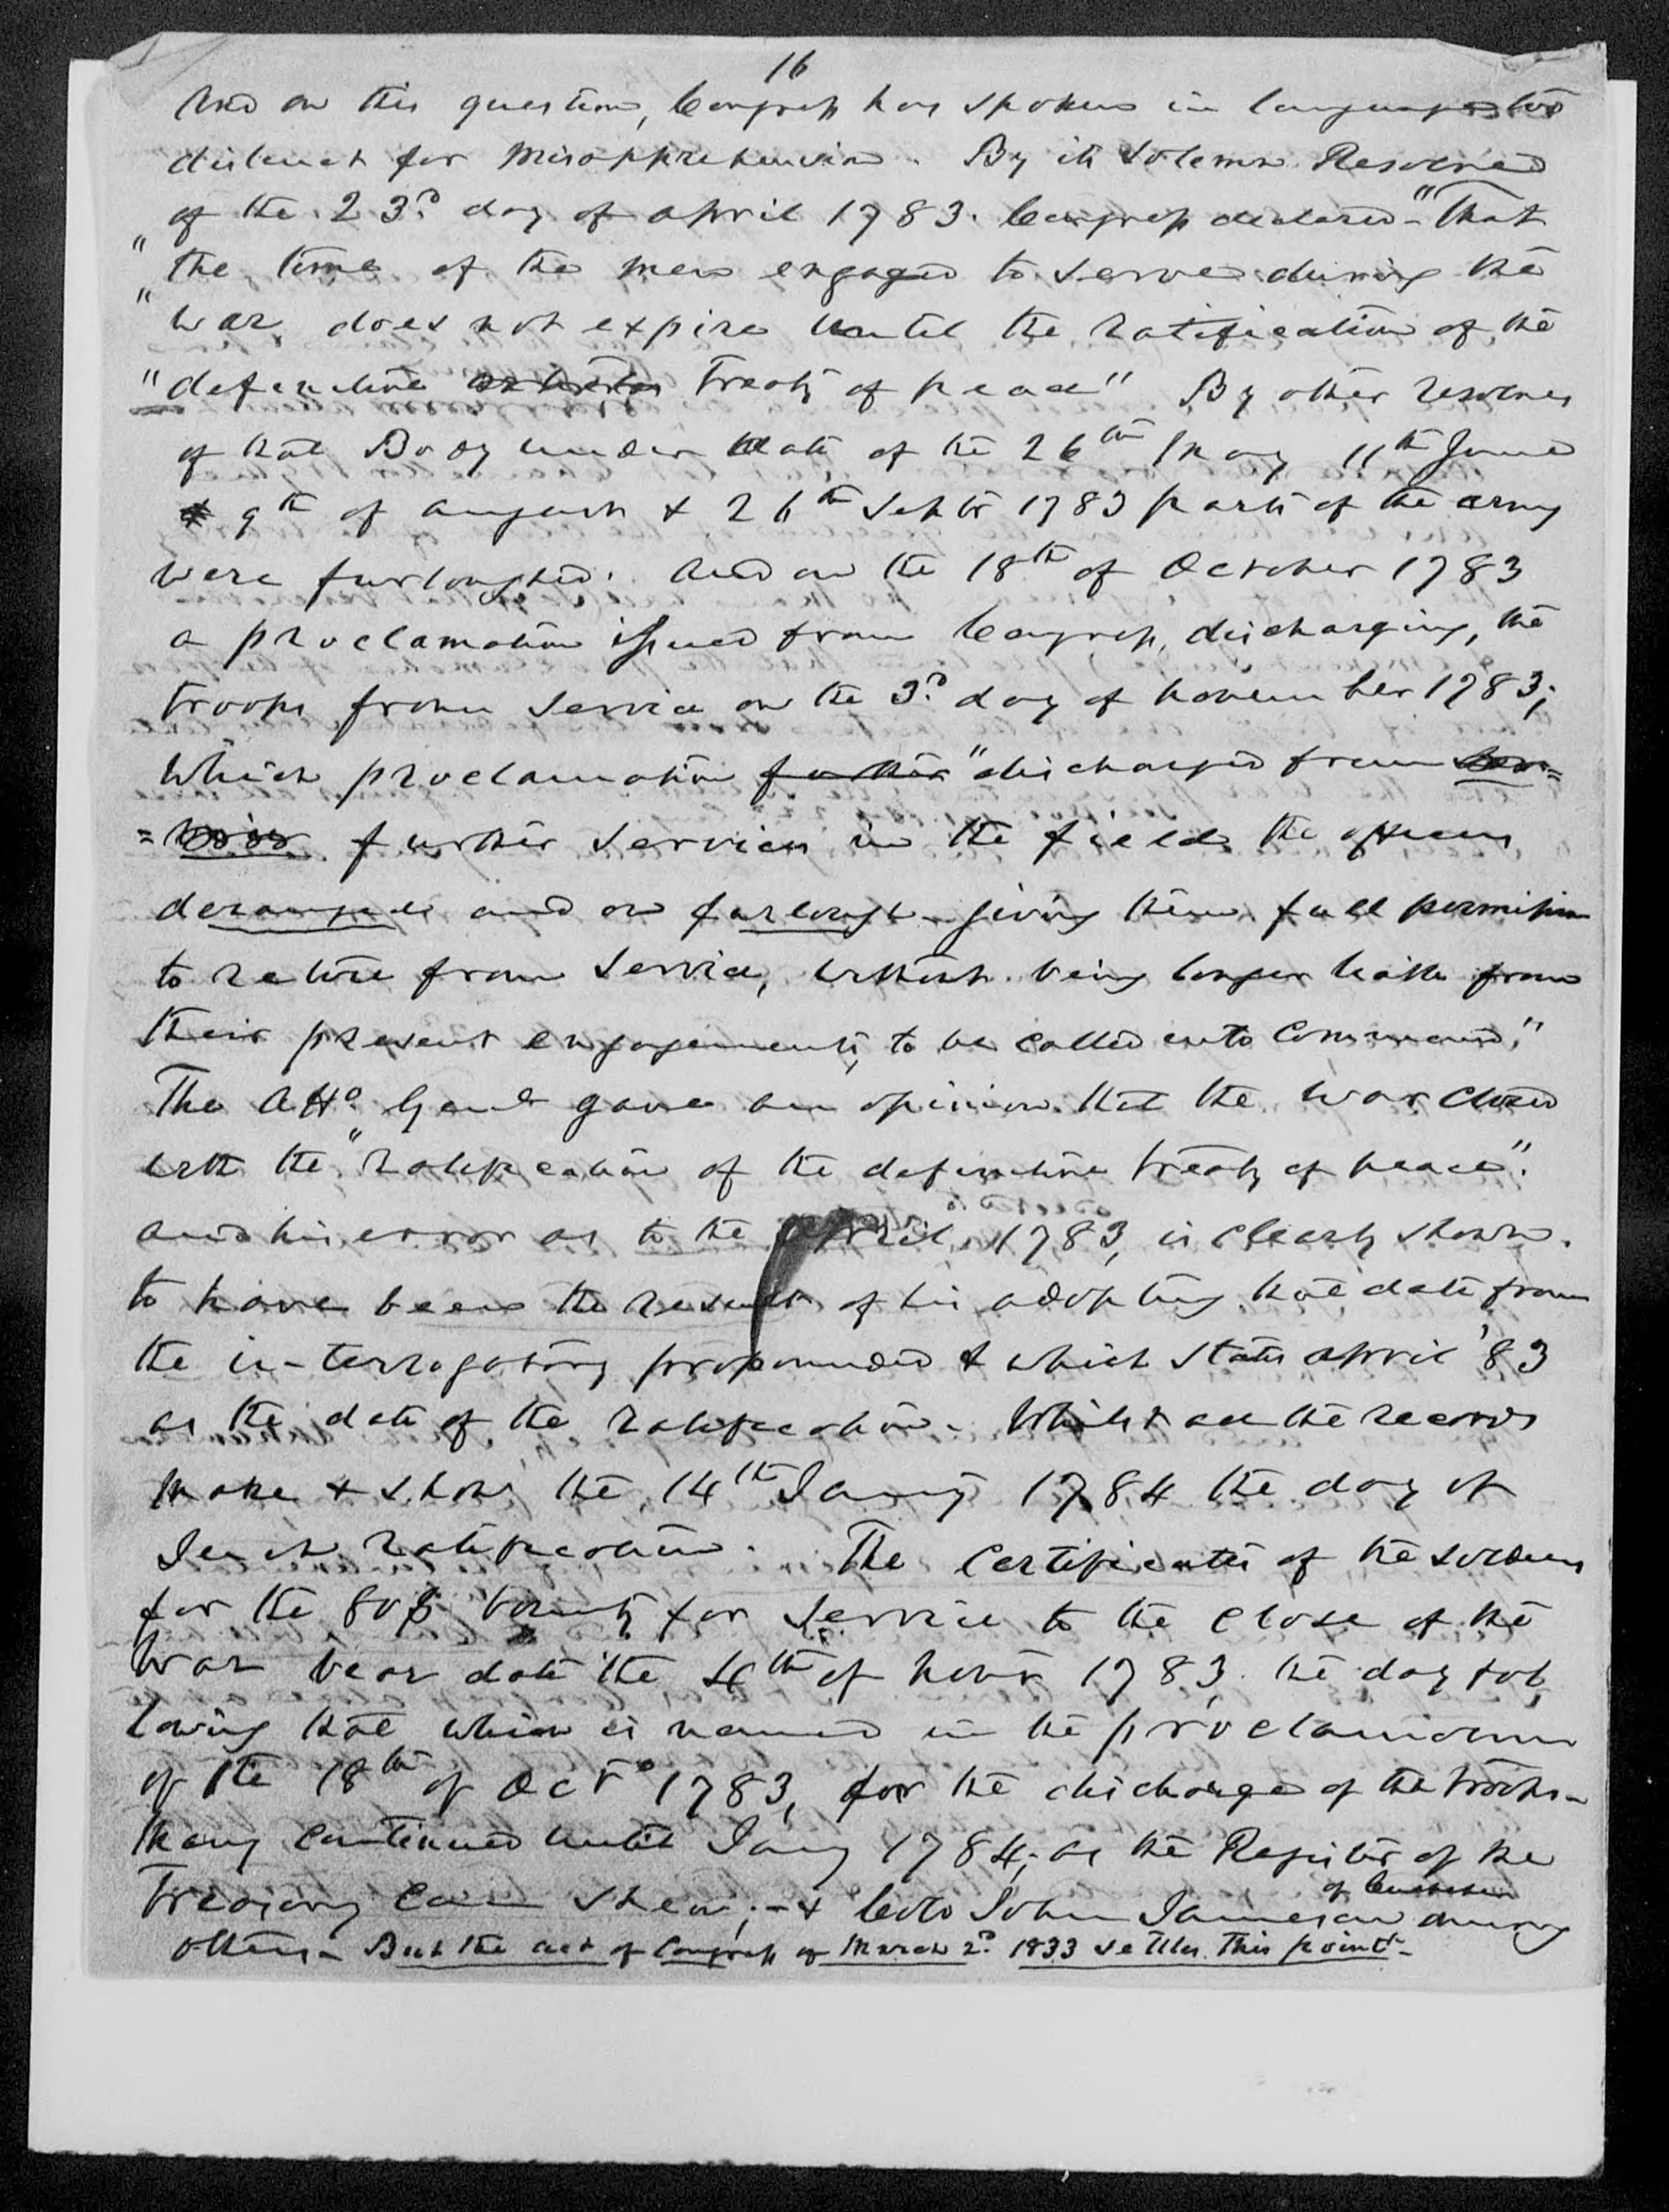16
and on this question, Congress has spoken in language too distinct for misapprehension.  By its Solemn Resolves of the 23d day of April 1783, Congress declared "That the time of the men engaged to serve during the war, does not expire until the ratification of the definitive Treaty of peace." By other Resolves of the Body under date of the 26th May 11th June & 9th of August & 26th Sepr 1783 parts of the army were furloughed.  And on the 18th of October 1783 a proclamation issued from Congress discharging the troops from service on the 3d day of November 1783.  Which proclamation further "discharges from further services in the field, the officers decamped and on furlough giving them full permission to return from service, without being longer liable from their present engagements, to be called into command." 
The Att'o Genl gave an opinion that the war claim with the "ratification of the definitive treaty of peace." and his error as to the April 1783, is clearly shown to have been the result of his adopting that date from the interrogating propounded & which states April '83 as the date of the ratification.  Whilst all the records make & show the 14th Jany 1784 the day of [?] ratification.  The certificate of the soldiers for the [?] for service to the close of the war bear date the 4th of Nov'r 1783. the day following that which is named in the proclamation of the 18th of Oct 1783, for the discharge of the troops. Many continued until Jany 1784, as the Register of the Treasury can shew; & Colo John Jameson among others- But the act of Congress of March 2nd 1833 settles This point of [?]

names: John Jameson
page: 238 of 267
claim: widow's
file: W. 4,149, William Campbell, Va.